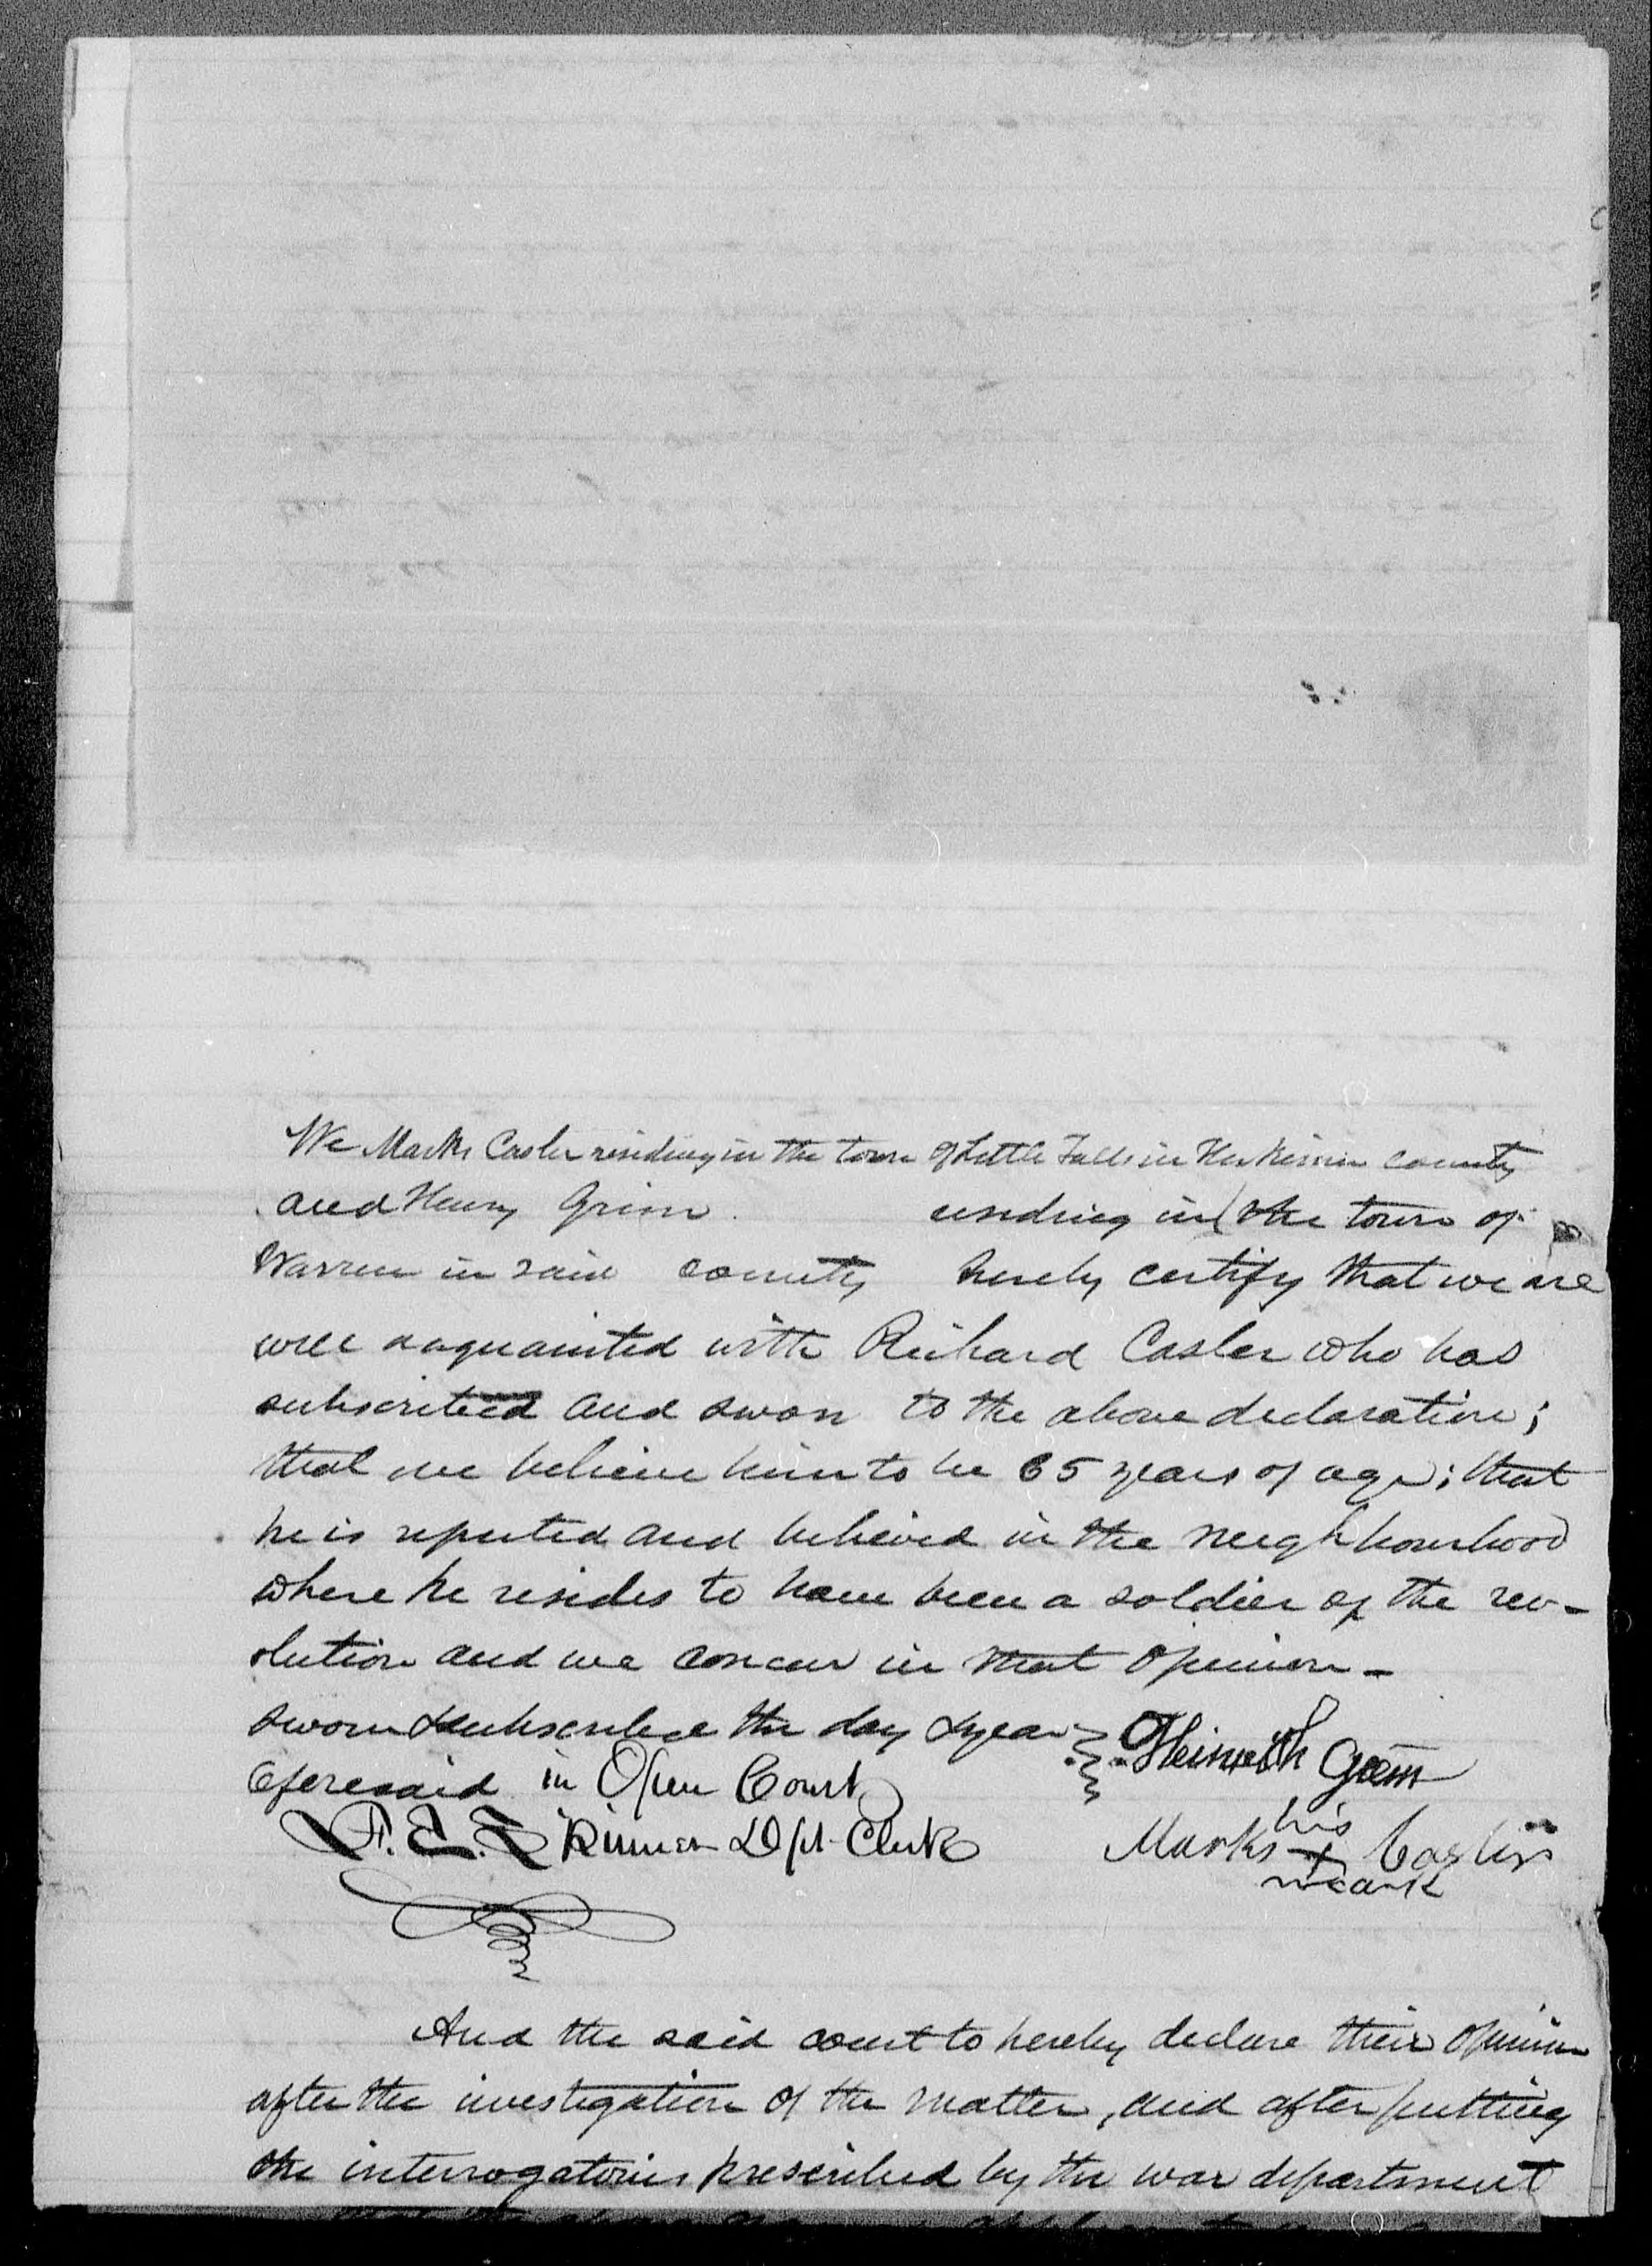We Marks Casler residing in the town of Little Falls in Herkimer county and Henry Grim residing in the town of Warren in said county hereby certify that we are well acquainted with Richard Casler who has subscribed and sworn to the above declaration; that we believe him to be 65 years of age; that he is reputed and believed in the neighbourhood where he resides to have been a soldier of the revolution and we concur in that opinion – 
[signed] Heinrich Grim  Marks Casler  X his mark
Sworn & subscribed the day & year aforesaid in Open Court, 
[signed] F. E. Spinner Dept Clerk 

And the said court to hereby declare their opinion after the investigation of the matter, and after putting the interrogatories prescribed by the war department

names: Henry Grim, Marks Casler, F E Spinner, Marks Casler, Richard Casler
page: 9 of 66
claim: widow's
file: W. 6637, Richard Caslar, New York